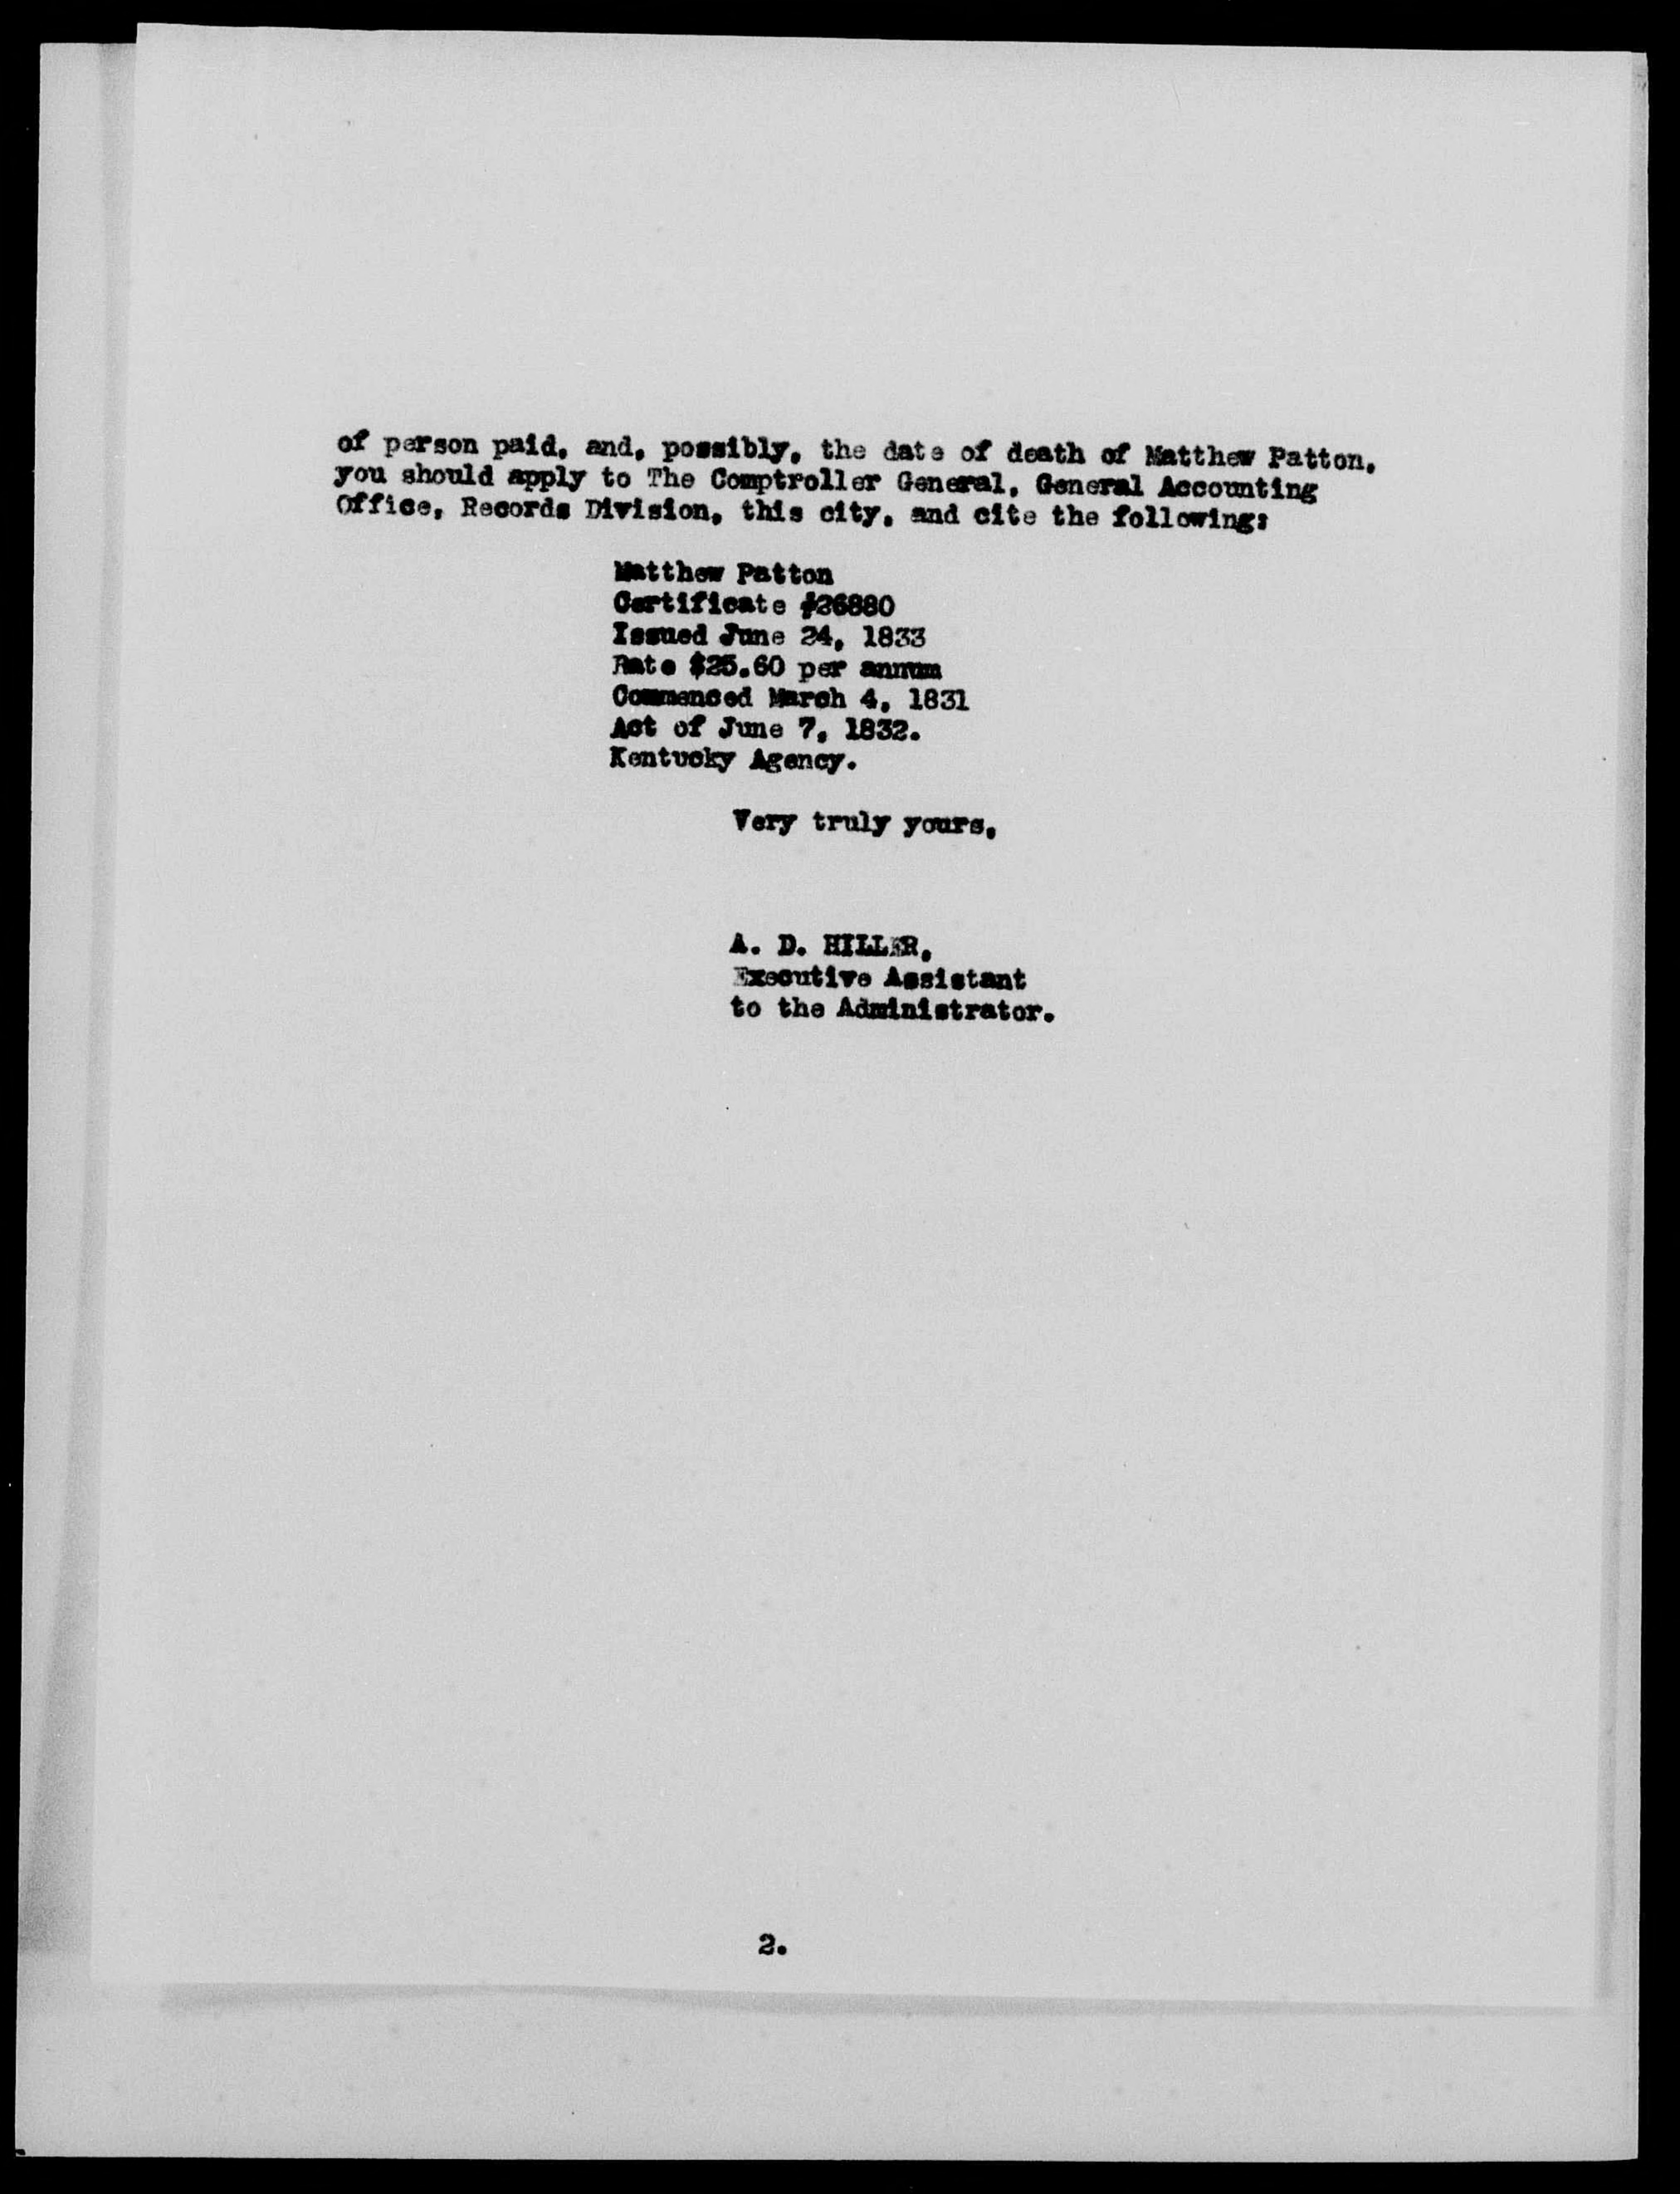of pension paid, and, possibly, the date of death of Matthew Patton, you should apply to The Comptroller General, General Accounting Office, Records Division, this city, and cite the following

Matthew Patton
Certificate #30680
Issued June 24, 1823
Rate $26.66 per annum
Commenced March 4, 1831
Act of June 7, 1832
Kentucky Agency.

Very truly yours,

A.D. HILLS,
Executive Assistant
to the Administrator.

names: Matthew Patton; A D Hiller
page: 39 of 45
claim: survivor's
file: S. 31294, for Matthew Patton, Maryland